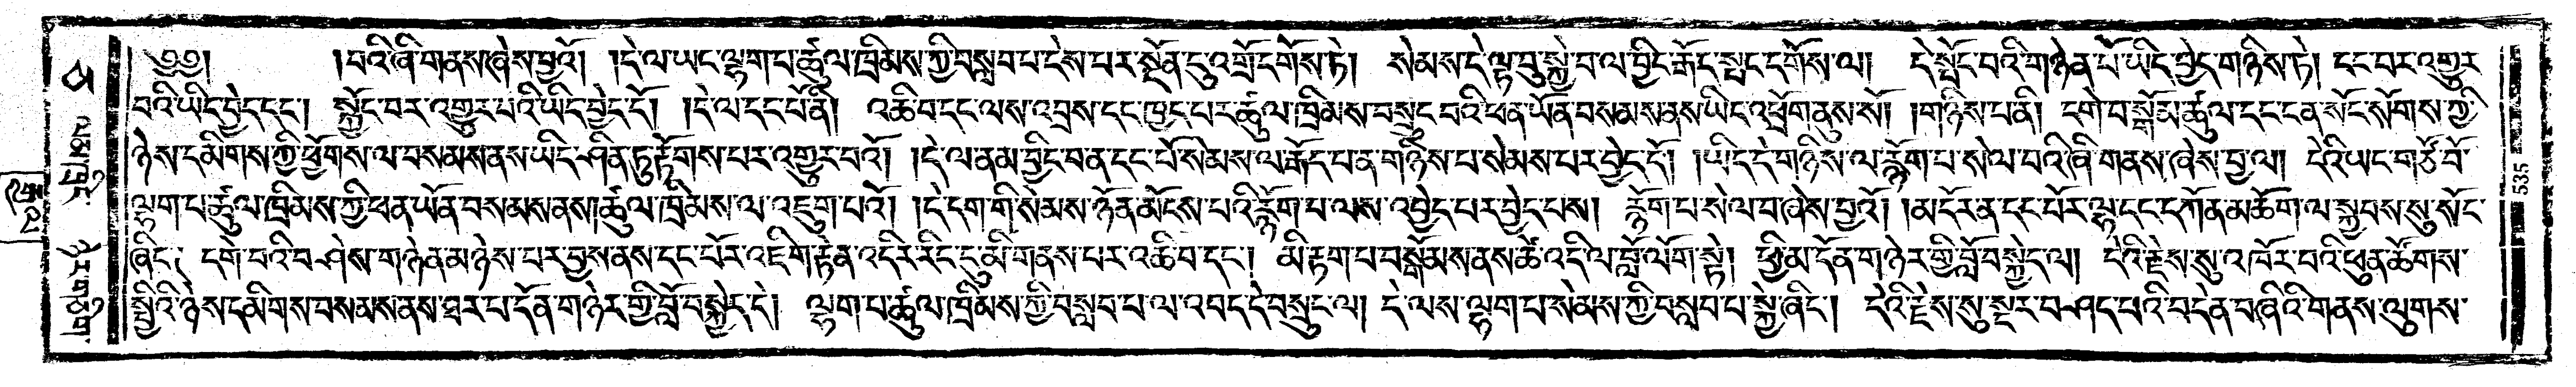༄༅། །བའི་ཞི་གནས་ཞེས་བྱའོ། །དེ་ལ་ཡང་ལྷག་པ་ཚུལ་ཁྲིམས་ཀྱི་བསླབ་པ་ངེས་པར་སྔོན་དུ་འགྲོ་དགོས་ཏེ། སེམས་དེ་ལྟ་བུ་སྐྱེ་བ་ལ་བྱིང་རྒོད་སྤང་དགོས་ལ། དེ་སྤོང་བའི་གཉེན་པོ་ཡིད་བྱེད་གཉིས་ཏེ། དང་བར་འགྱུར་
བའི་ཡིད་བྱེད་དང་། སྐྱོང་བར་འགྱུར་པའི་ཡིད་བྱེད་དོ། །དེ་ལ་དང་པོ་ནི། འཆི་བ་དང་ལས་འབྲས་དང་ཁྱད་པར་ཚུལ་ཁྲིམས་བསྲུང་བའི་ཕན་ཡོན་བསམས་ནས་ཡིད་འཕྲོག་ནུས་སོ། །གཉིས་པ་ནི། དགེ་བ་སྒོམ་ཚུལ་དང་ངན་སོང་སོགས་ཀྱི་
ཉེས་དམིགས་ཀྱི་ཕྱོགས་ལ་བསམས་ནས་ཡིད་ཤིན་ཏུ་རྟོགས་པར་འགྱུར་བའོ། །དེ་ལ་ནམ་བྱིང་བ་ན་དང་པོ་སེམས་ལ་རྒོད་པ་ན་གཉིས་པ་སེམས་པར་བྱེད་དོ། །ཡིད་དེ་གཉིས་ལ་རྙོག་པ་སེལ་བའི་ཞི་གནས་ཞེས་བྱ་ལ། དེའི་ཡང་གཙོ་བོ་
ལྷག་པ་ཚུལ་ཁྲིམས་ཀྱི་ཕན་ཡོན་བསམས་ནས། ཚུལ་ཁྲིམས་ལ་འཇུག་པའོ། །དེ་དག་གི་སེམས་ཉོན་མོངས་པའི་རྙོག་པ་ལས་འབྱེད་པར་བྱེད་པས། རྙོག་པ་སེལ་བ་ཞེས་བྱའོ། །མདོར་ན་དང་པོར་ལྷ་དང་དཀོན་མཆོག་ལ་སྐྱབས་སུ་སོང་
ཞིང་། དགེ་བའི་བཤེས་གཉེན་མཉེས་པར་བྱས་ནས་དང་པོར་འཇིག་རྟེན་འདིར་རིང་དུ་མི་གནས་པར་འཆི་བ་དང་། མི་རྟག་པ་བསྒོམས་ནས་ཚེ་འདི་ལ་བློ་ལོག་སྟེ། ཕྱི་མ་དོན་གཉེར་གྱི་བློ་བསྐྱེད་ལ། དེའི་རྗེས་སུ་འཁོར་བའི་ཕུན་ཚོགས་
སྤྱིའི་ཉེས་དམིགས་བསམས་ནས་ཐར་པ་དོན་གཉེར་གྱི་བློ་བསྐྱེད་དེ། ལྷག་པ་ཚུལ་ཁྲིམས་ཀྱི་བསླབ་པ་ལ་འབད་དེ་བསྲུང་ལ། དེ་ལས་ལྷག་པ་སེམས་ཀྱི་བསླབ་པ་སྐྱེ་ཞིང་། དེའི་རྗེས་སུ་སྔར་བཤད་པའི་བདེན་བཞིའི་གནས་ལུགས་